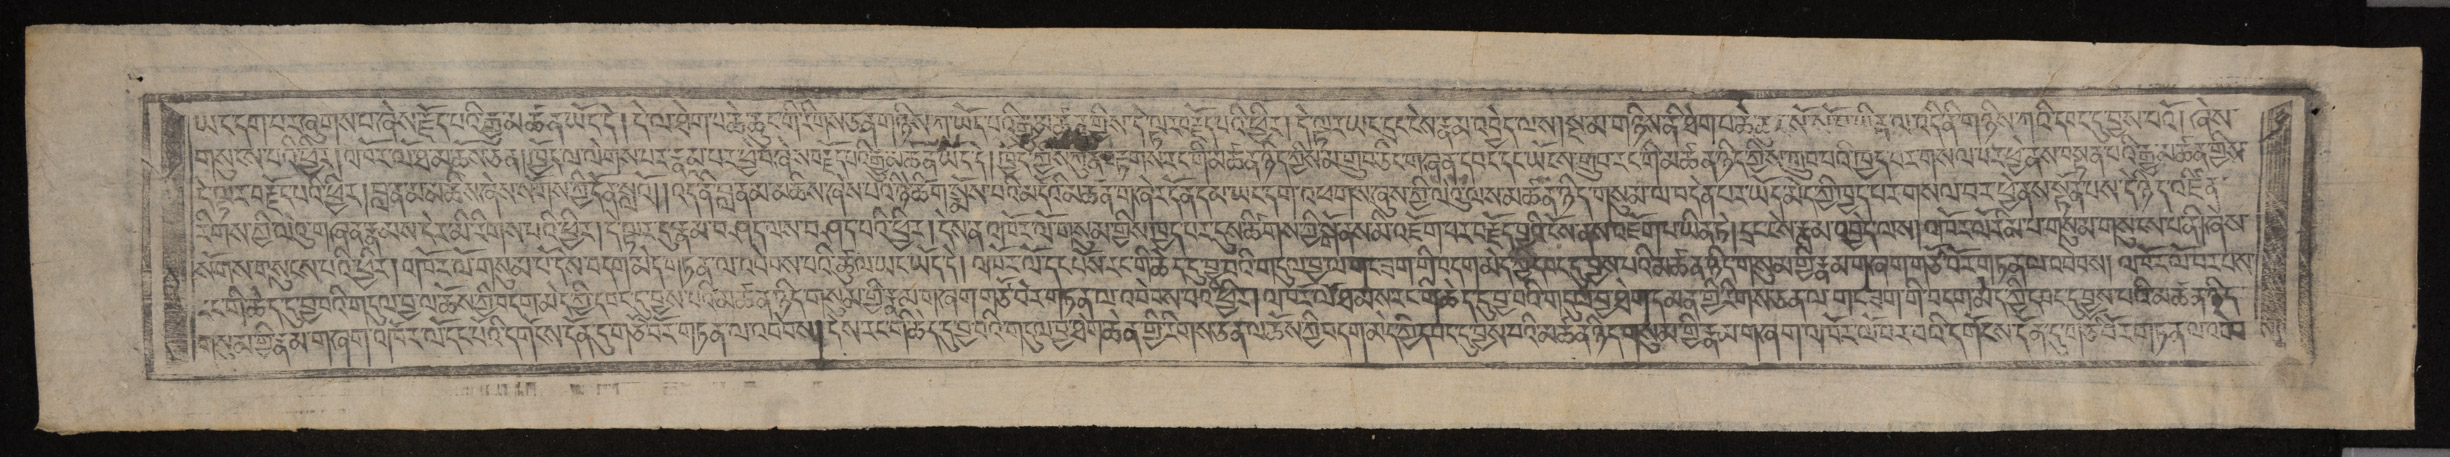ཡང་དག་པར་ཞུགས་པ་ཞེས་རྗོད་པའི་རྒྱུ་མཚན་ཡོད་དེ། དེ་ལ་ཐེག་པ་ཆེ་ཆུང་གི་རིགས་ཅན་གཉིས་ཀ་ཡོད་པའི་རྒྱུ་མཚན་གྱིས་དེ་ལྟར་བརྗོད་པའི་ཕྱིར། དེ་ལྟར་ཡང་དྲང་ངེས་རྣམ་འབྱེད་ལས། སྔ་མ་གཉིས་ནི་ཐེག་པ་ཆེ་ཆུང་སོ་སོ་བ་ཡིན་ལ་འདི་ནི་གཉིས་ཀའི་དབང་དུ་བྱས་པའོ། ཞེས་
གསུངས་པའི་ཕྱིར། འཁོར་ལོ་ཐ་མ་ཆོས་ཅན། ཁྱོད་ལ་ལེགས་པར་རྣམ་པར་ཕྱེ་བ་ཞེས་བརྗོད་པའི་རྒྱུ་མཚན་ཡོད་དེ། ཁྱོད་ཀྱིས་ཀུན་བརྟགས་རང་གི་མཚན་ཉིད་ཀྱིས་མ་གྲུབ་ཅིང་གཞན་དབང་དང་ཡོངས་གྲུབ་རང་གི་མཚན་ཉིད་ཀྱིས་གྲུབ་པའི་ཁྱད་པར་གསལ་བར་ཕྱེ་ནས་བསྟན་པའི་རྒྱུ་མཚན་གྱིས་
དེ་ལྟར་བརྗོད་པའི་ཕྱིར། བླ་ན་མ་མཆིས་ཞེས་སོགས་ཀྱི་དོན་སླའོ། །འདི་ནི་བླ་ན་མ་མཆིས་ཞེས་པའི་ཉི་ཚིག་སྨོས་པའི་མདོའི་མཚན་གཞིར་དོན་དམ་ཡང་དག་འཕགས་ཞུས་ཀྱི་ལེའུ་ལས་མཚན་ཉིད་གསུམ་ལ་བདེན་པར་ཡོད་མེད་ཀྱི་ཁྱད་པར་གསལ་བར་ཕྱེ་ནས་སྟོན་པས་དེ་ཉིད་འཛིན་
རིགས་ཀྱི་ལེའུ་གཞན་རྣམས་དེར་མི་རིགས་པའི་ཕྱིར། དེ་ལྟར་དུ་རྣམ་བཤད་ལས་བཤད་པའི་ཕྱིར། དེས་ན་འཁོར་ལོ་གསུམ་གྱིས་ཁྱད་པར་དུས་ཚིགས་ཀྱི་སྒོ་ནས་མི་འཇོག་པར་བརྗོད་བྱའི་ངོས་ནས་འཇོག་པ་ཡིན་ཏེ། དྲང་ངེས་རྣམ་འབྱེད་ལས། འཁོར་ལོ་རིམ་པ་གསུམ་གསུངས་པ་ནི། ཞེས་
སོགས་གསུངས་པའི་ཕྱིར། འཁོར་ལོ་གསུམ་པོ་དེས་བདག་མེད་གཏན་ལ་འབེབས་པའི་ཚུལ་ཡང་ཡོད་དེ། འཁོར་ལོ་དང་པོས་རང་གི་ཆེད་དུ་བྱ་བའི་གདུལ་བྱ་ལ་གང་ཟག་གི་བདག་མེད་ཀྱི་དབང་དུ་བྱས་པའི་མཚན་ཉིད་གསུམ་གྱི་རྣམ་གཞག་གཙོ་བོར་གཏན་ལ་འབེབས། འཁོར་ལོ་བར་པས་
རང་གི་ཆེད་དུ་བྱ་བའི་གདུལ་བྱ་ལ་ཆོས་ཀྱི་བདག་མེད་ཀྱི་དབང་དུ་བྱས་པའི་མཚན་ཉིད་གསུམ་གྱི་རྣམ་གཞག་གཙོ་བོར་གཏན་ལ་འབེབས་པའི་ཕྱིར། འཁོར་ལོ་ཐ་མས་རང་གི་ཆེད་དུ་བྱ་བའི་གདུལ་བྱ་ཐེག་དམན་གྱི་རིགས་ཅན་ལ་གང་ཟག་གི་བདག་མེད་ཀྱི་དབང་དུ་བྱས་པའི་མཚན་ཉིད་
གསུམ་གྱི་རྣམ་གཞག་འཁོར་ལོ་དང་པོའི་དགོངས་དོན་དུ་གཙོ་བོར་གཏན་ལ་འབེབས། དེས་རང་གི་ཆེད་དུ་བྱ་བའི་གདུལ་བྱ་ཐེག་ཆེན་གྱི་རིགས་ཅན་ལ་ཆོས་ཀྱི་བདག་མེད་ཀྱི་དབང་དུ་བྱས་པའི་མཚན་ཉིད་གསུམ་གྱི་རྣམ་གཞག་འཁོར་ལོ་བར་པའི་དགོངས་དོན་དུ་གཙོ་བོར་གཏན་ལ་འབབས་